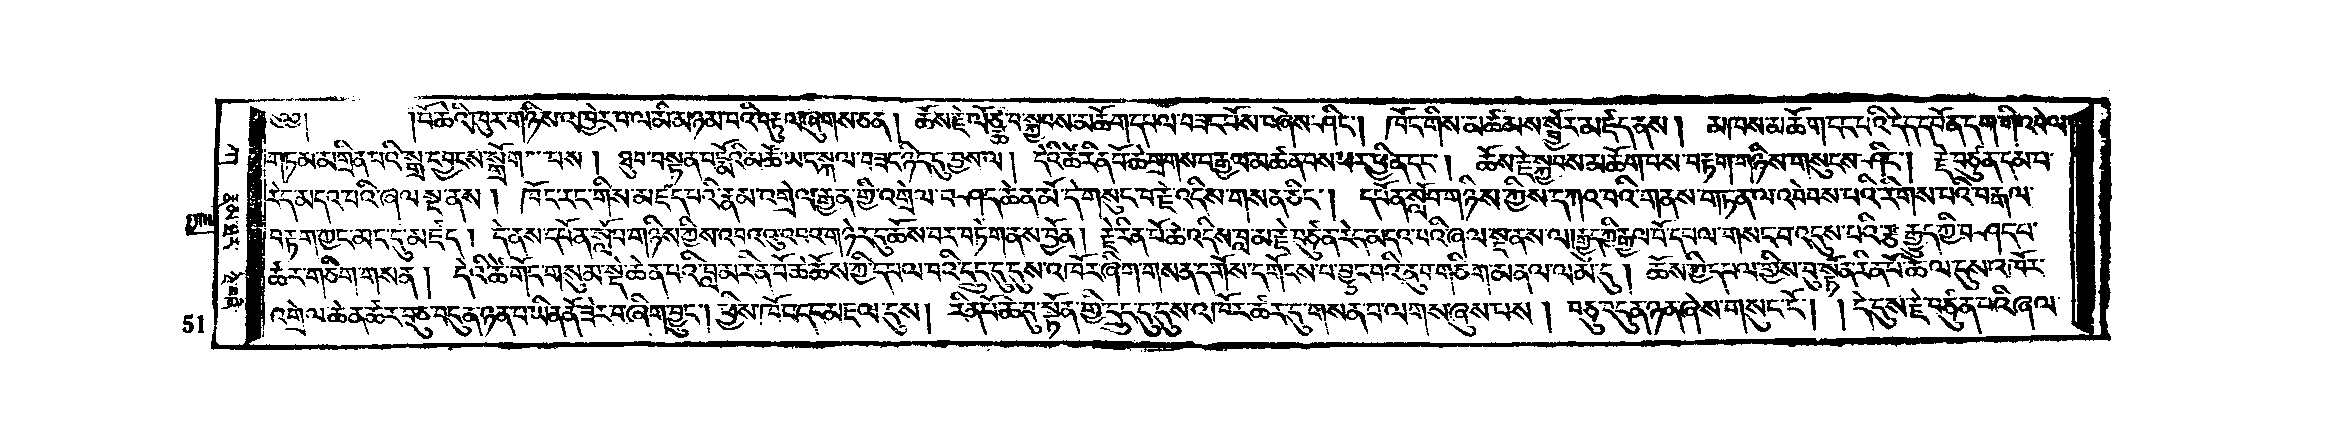༄༅། །པོ་ཆེའི་ཁུར་གཉིས་འཁྱེར་བ་ལ་མི་མཉམ་པའི་བརྟུལ་ཞུགས་ཅན། ཆོས་རྗེ་ལོ་ཙྪ་བ་སྐྱབས་མཆོག་དཔལ་བཟང་པོས་བཞེས་ཤིང་། ཁོང་གིས་མཚམས་སྦྱོར་མཛད་ནས། མཁས་མཆོག་དང་པའི་དེད་དཔོན་དག་གི་འབེལ་
གཏམ་མགྲིན་པའི་སྒྲ་དབྱངས་སྒྲོག་པས། ཐུབ་བསྟན་པདམོའི་མཚོ་ཡང་སྐལ་བཟང་ཉིད་དུ་བྱས་ལ། དེའི་ཚེ་རིན་པོ་ཆེ་གྲགས་པ་རྒྱལ་མཚན་པས་ཕར་ཕྱིན་དང་། ཆོས་རྗེ་སྐྱབས་མཆོག་པས་བརྟག་གཉིས་གསུངས་ཤིང་། རྗེ་བཙུན་དམ་པ་
རེད་མདའ་བའི་ཞལ་སྔ་ནས། ཁོང་རང་གིས་མཛད་པའི་རྣམ་འགྲེལ་རྒྱན་གྱི་འགྲེལ་བཤད་ཆེན་མོ་དེ་གསུང་བ་རྗེ་འདིས་གསན་ཅིང་། དཔོན་སློབ་གཉིས་ཀྱིས་དཀའ་བའི་གནས་གཏན་ལ་འབེབས་པའི་རིགས་པའི་བརྒལ་
བརྟག་ཀྱང་མང་དུ་མཛད། དེ་ནས་དཔོན་སློབ་གཉིས་ཀྱིས་འབའ་འུ་འབའ་གཉེར་དུ་ཆོས་བར་བཏེག་ནས་བྱོན། རྗེ་རིན་པོ་ཆེ་འདིས་བླ་མ་རྗེ་བཙུན་རེད་མདའ་པའི་ཞལ་སྔ་ནས་ལ། རྒྱུད་ཀྱི་རྒྱལ་པོ་དཔལ་གསང་བ་འདུས་པའི་རྩ་རྒྱུད་ཀྱི་བཤད་པ་
ཚར་གཅིག་གསན། དེའི་ཚེ་གོང་གསུམ་སྡེ་ཆེན་པའི་བླ་མ་རིན་པོ་ཆེ་ཆོས་ཀྱི་དཔལ་བའི་དྲུང་དུ་དུས་འཁོར་ཞིག་གསན་དགོས་དགོངས་པ་བྱུང་བའི་ནུབ་གཅིག་མནལ་ལམ་དུ། ཆོས་ཀྱི་དཔལ་གྱིས་བུ་སྟོན་རིན་པོ་ཆེ་ལ་དུས་འཁོར་
འགྲེལ་ཆེན་ཚར་བཅུ་བདུན་ཉན་པ་ཡིན་ནོ་ཟེར་བ་ཞིག་བྱུང་། ཕྱིས་ཁོང་དང་མཇལ་དུས། རིན་པོ་ཆེ་བུ་སྟོན་གྱི་དྲུང་དུ་དུས་འཁོར་ཚར་དུ་གསན་པ་ལགས་ཞུས་པས། བཅུ་བདུན་ཉན་ཞེས་གསུང་ངོ། །དེ་དུས་རྗེ་བཙུན་པའི་ཞལ་